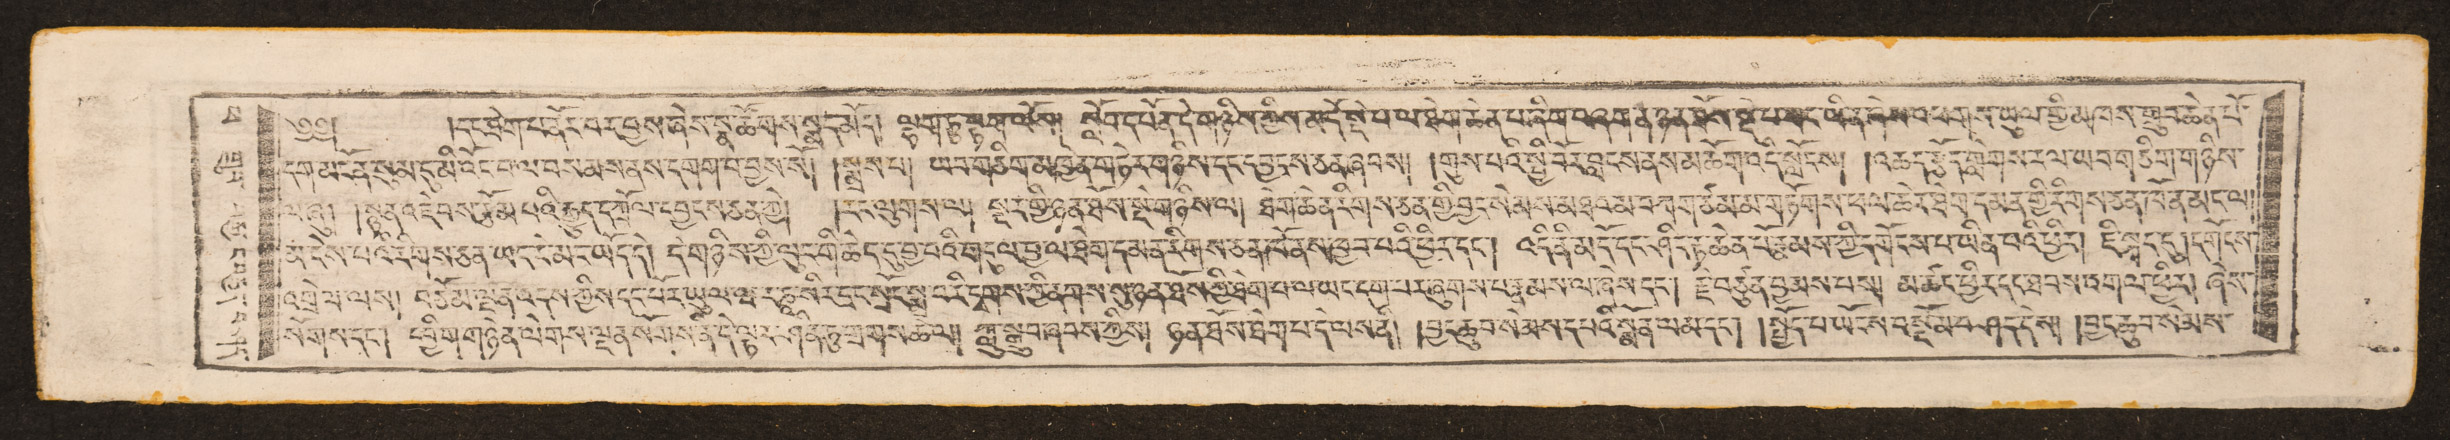༄༅། །དང་ཐེག་པ་ནོར་བར་བྱས་ཞེས་སྣ་ཚོགས་སྨད་མོད། ལྷག་ཏུ་སྟག་ལོས། སློབ་དཔོན་དེ་གཉིས་ཀྱིས་མདོ་སྡེ་པ་ལ་ཐེག་ཆེན་པ་ཞིག་བཞག་ན་ཉན་ཐོས་སྡེ་བ་གང་ཡིན་ཞེས་འཕགས་ཡུལ་གྱི་མཁས་གྲུབ་ཆེན་པོ་
དག་མངོན་སུམ་དུ་མི་འོང་བ་ལ་བསམས་ནས་དགག་པ་བྱས་སོ། །སྨྲས་པ། ཡབ་གཅིག་མཁྱེན་གཏེར་གཉིས་དང་དབྱངས་ཅན་ཞབས། །གུས་པའི་སྤྱི་བོར་བླངས་ནས་མཆོག་འདི་སློངས། །འཆད་རྩོད་གླེགས་རལ་ཡབ་གཅིག་གཉིས་
ལ་ཞུ། །སྙན་འཇེའས་རྩོམ་པའི་རྒྱུད་དཀྲོལ་དབྱངས་ཅན་ཀྱེ། །རང་ལུགས་ལ། སྔར་གྱི་ཉན་ཐོས་སྡེ་གཉིས་ལ། ཐེག་ཆེན་རིགས་ཅན་གྱི་བྱང་སེམས་མཐའ་མ་བཀག་ཙམ་མ་གཏོགས་ཕལ་ཆེར་ཐེག་དམན་གྱི་རིགས་ཅན་ཁོན་མང་ལ།
མ་ངེས་པའི་རིགས་ཅན་ཡང་རེ་མང་ཡོད་དེ། དེ་གཉིས་ཀྱི་ལུང་གི་ཆེད་དུ་བྱ་བའི་གདུལ་བྱ་ལ་ཐེག་དམན་རིགས་ཅན་ཁོ་ནས་ཁྱབ་པའི་ཕྱིར་དང་། འདི་ནི་མདོ་དང་ཤིང་རྟ་ཆེན་པོ་རྣམས་ཀྱི་དགོངས་པ་ཡིན་པའི་ཕྱིར། ཇི་སྐད་དུ་།དགོངས་
འགྲེལ་ལས། བཅོམ་ལྡན་འདས་ཀྱིས་དང་པོར་ཡུལ་ཝ་ར་ཏཱ་སིར་དྲང་སྲོང་སྨྲ་བ་རི་དྭགས་ཀྱི་ནགས་སུ་ཉན་ཐོས་ཀྱི་ཐེག་བ་ལ་ཡང་དག་པར་ཞུགས་བ་རྣམས་ལ་ཞེས་དང་། རྗེ་བཙུན་བྱམས་པས། མཚད་ཕྱིར་དང་ཐབས་འགལ་ཕྱིར། ཞེས་
སོགས་དང་། དབྱིག་གཉེན་ལེགས་ལྡན་སོགས་ནི་དེ་ལྟར་ཤིན་ཏུ་གྲགས་ཆེ་ལ། ཀླུ་སྒྲུབ་ཞབས་ཀྱིས། ཉན་ཐོས་ཐིག་བ་དེ་ལས་ནི། །བྱང་ཆུབ་སེམས་དཔའི་སྨོན་ལམ་དང་། །སྤྱོད་པ་ཡོངས་བསྔོ་མ་བཤད་དེས། །བྱང་ཆུབ་སེམས་